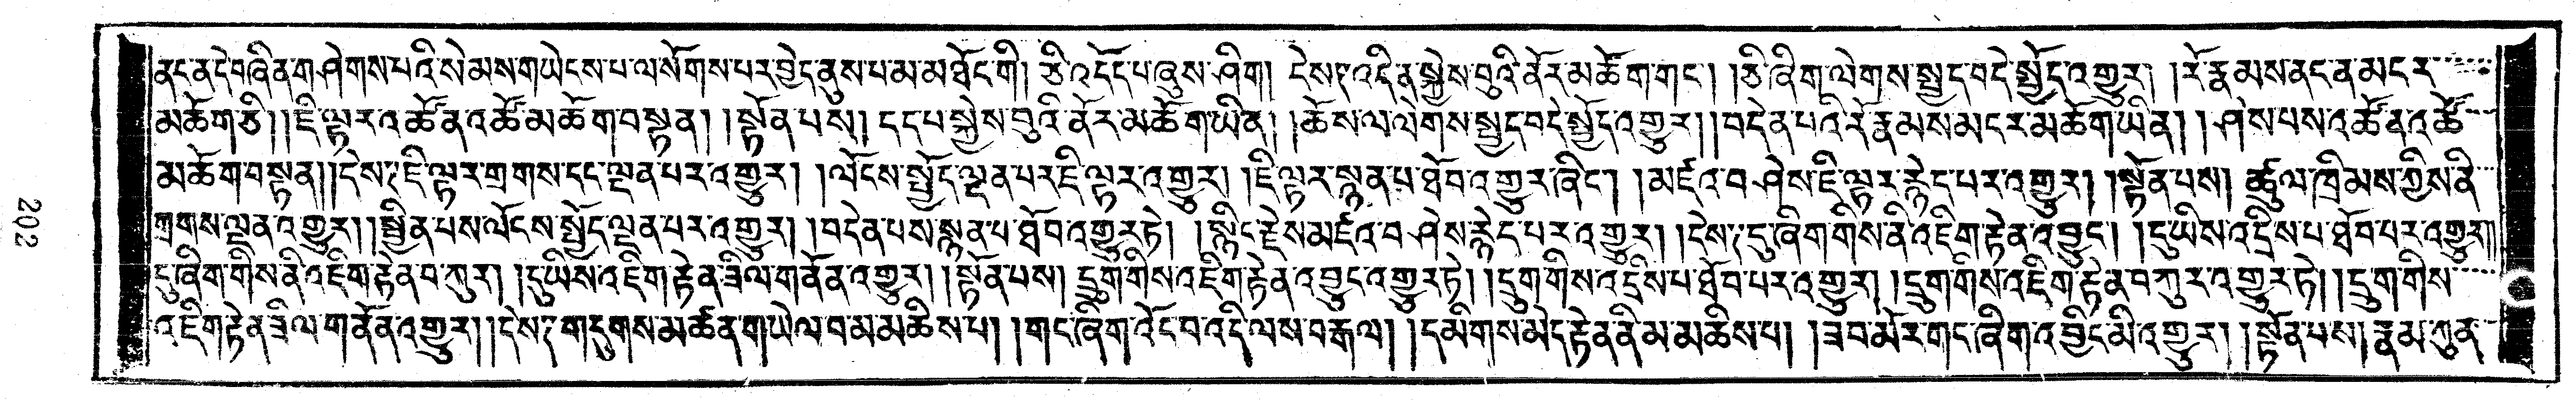ནང་ན་དེ་བཞིན་གཤེགས་པའི་སེམས་གཡེངས་པ་ལ་སོགས་པར་བྱེད་ནུས་པ་མ་མཐོང་གི། ཅི་འདོད་པ་ཞུས་ཤིག །དེས༑ འདི་ན་སྐྱེས་བུའི་ནོར་མཆོག་གང་། །ཅི་ཞིག་ལེགས་སྤྱད་བདེ་སྤྱོད་འགྱུར། །རོ་རྣམས་ནང་ན་མངར་
མཆོག་ཅི། །ཇི་ལྟར་འཚོན་འཚོ་མཆོག་བསྟན། །སྟོན་པས། དད་པ་སྐྱེས་བུའི་ནོར་མཆོག་ཡིན། །ཆོས་ལ་ལེགས་སྤྱད་བདེ་སྤྱོད་འགྱུར། །བདེན་པའི་རོ་རྣམས་མངར་མཆོག་ཡིན། །ཤེས་པས་འཚོན་འཚོ་
མཆོག་བསྟན། །དེས༑ ཇི་ལྟར་གྲགས་དང་ལྡན་པར་འགྱུར། །ལོངས་སྤྱོད་ལྡན་པར་ཇི་ལྟར་འགྱུར། །ཇི་ལྟར་སྙན་པ་ཐོབ་འགྱུར་ཞིང་། །མཛའ་བཤེས་ཇི་ལྟར་རྙེད་པར་འགྱུར། །སྟོན་པས། ཚུལ་ཁྲིམས་ཀྱིས་ནི་
གྲགས་ལྡན་འགྱུར། །སྦྱིན་པས་ལོངས་སྤྱོད་ལྡན་པར་འགྱུར། །བདེན་པས་སྙན་པ་ཐོབ་འགྱུར་ཏེ། །སྙིང་རྗེས་མཛའ་བཤེས་རྙེད་པར་འགྱུར། །དེས༑ དུ་ཞིག་གིས་ནི་འཇིག་རྟེན་འབྱུང་། །དུ་ཡིས་འདྲིས་པ་ཐོབ་པར་འགྱུར། །
དུ་ཞིག་གིས་ནི་འཇིག་རྟེན་བ་ཀུར། །དུ་ཡིས་འཇིག་རྟེན་ཟིལ་གནོན་འགྱུར། །སྟོན་པས། དྲུག་གིས་འཇིག་རྟེན་འབྱུང་འགྱུར་ཏེ། །དྲུག་གིས་འདྲིས་པ་ཐོབ་པར་འགྱུར། །དྲུག་གིས་འཇིག་རྟེན་བཀུར་འགྱུར་ཏེ། །དྲུག་གིས་
འཇིག་རྟེན་ཟིལ་གནོན་འགྱུར། །དེས༑ གདུགས་མཚན་གཡེལ་བ་མ་མཆིས་པ། །གང་ཞིག་འོང་བ་འདི་ལས་བརྒལ། །དམིགས་མེད་རྟེན་ནི་མ་མཆིས་པ། །ཟབ་མོར་གང་ཞིག་འབྱིང་མི་འགྱུར། །སྟོན་པས། རྣམ་ཀུན་